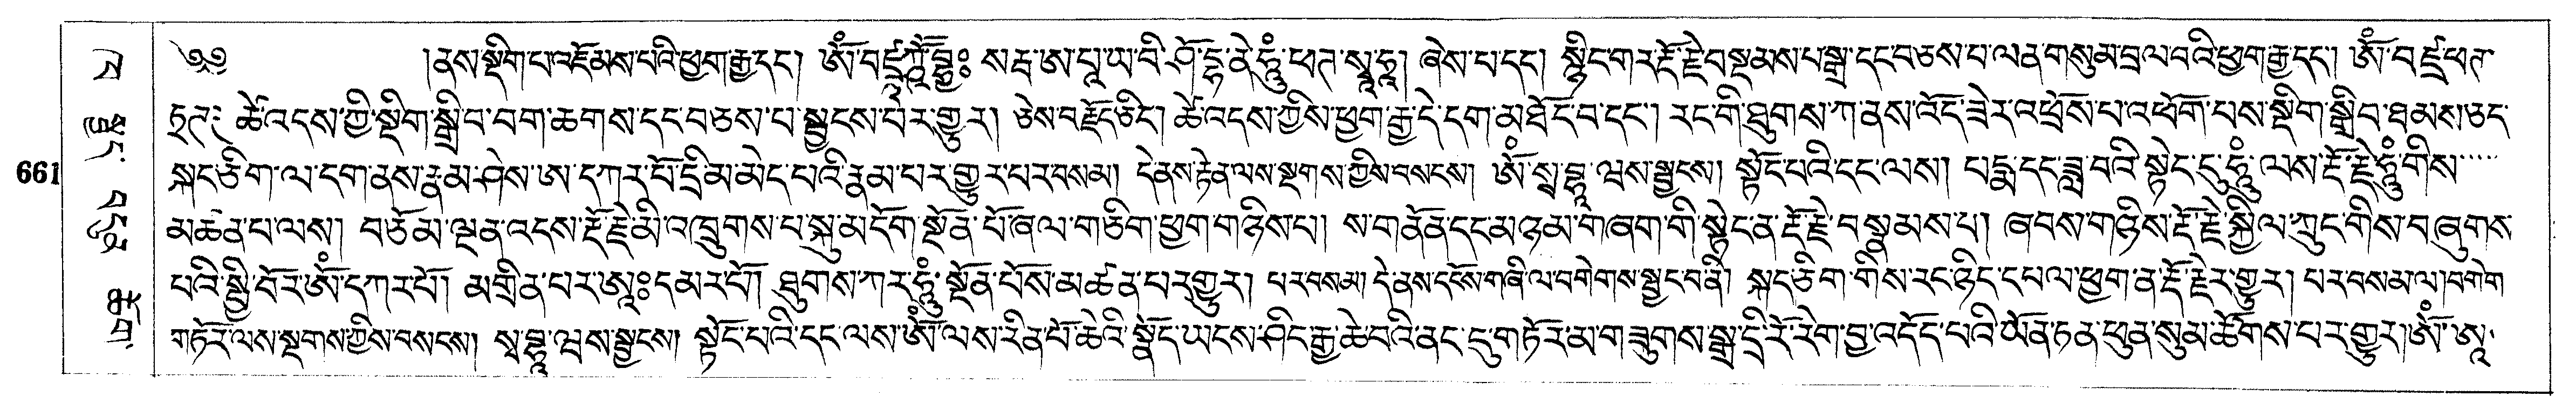༄༅། །ནས་སྡིག་པ་འཇོམས་པའི་ཕྱག་རྒྱ་དང་། ཨོཾ་བྫྲཱ་ཀྵཽ་བྷྱཿ སྲྦ་ཨ་པཱ་ཡ་བི་ཤོ་དྷ་ནེ་ཧཱུཾ་ཕཊ་སྭཱ་ཧཱ། ཞེས་པ་དང་། སྙིང་གར་རྡོ་རྗེ་བསྡམས་པ་སྒྲ་དང་བཅས་པ་ལན་གསུམ་བྲལ་བའི་ཕྱག་རྒྱ་དང་། ཨོཾ་བྫྲ་ཕཊ་
ཏྲཊ༑ ཚེ་འདས་ཀྱི་སྡིག་སྒྲིབ་བག་ཆགས་དང་བཅས་པ་སྦྱངས་བར་གྱུར། ཅེས་བརྗོད་ཅིང་། ཚེ་འདས་ཀྱིས་ཕྱག་རྒྱ་དེ་དག་མཐོང་བ་དང་། རང་གི་ཐུགས་ཀ་ནས་འོད་ཟེར་འཕྲོས་པ་འཕོག་པས་སྡིག་སྒྲིབ་ཐམས་ཅད་
སྐད་ཅིག་ལ་ངག་ནས་རྣམ་ཤེས་ཨ་དཀར་པོ་དྲི་མ་མེད་པའི་རྣམ་པར་གྱུར་པར་བསམ། དེ་ནས་རྟེན་ལས་སྔགས་ཀྱིས་བསངས། ཨོཾ་སྭ་བྷཱ་ཝས་སྦྱངས། སྟོང་པའི་ངང་ལས། པདམ་དང་ཟླ་བའི་སྟེང་དུ་ཧཱུཾ་ལས་རྡོ་རྗེ་ཧཱུཾ་གིས་
མཚན་པ་ལས། བཅོམ་ལྡན་འདས་རྡོ་རྗེ་མི་འཁྲུགས་པ་སྐུ་མདོག་སྔོན་པོ་ཞལ་གཅིག་ཕྱག་གཉིས་པ། ས་གནོན་དང་མཉམ་གཞག་གི་སྟེང་ན་རྡོ་རྗེ་བསྣམས་པ། ཞབས་གཉིས་རྡོ་རྗེ་སྐྱིལ་ཀྲུང་གིས་བཞུགས་
པའི་སྤྱི་བོར་ཨོཾ་དཀར་པོ། མགྲིན་པར་ཨཱཿ དམར་པོ། ཐུགས་ཀར་ཧཱུཾ་སྔོན་པོས་མཚན་པར་གྱུར། པར་བསམ། དེ་ནས་དངོས་གཞི་ལ་བགེགས་སྦྱང་བ་ནི། སྐད་ཅིག་གིས་རང་ཉིད་དཔལ་ཕྱག་ན་རྡོ་རྗེར་གྱུར། པར་བསམ་ལ། བགེག་
གཏོར་ལས་སྔགས་ཀྱིས་བསངས། སྭ་བྷཱ་ཝས་སྦྱངས། སྟོང་པའི་དང་ལས་ཨོཾ་ལས་རིན་པོ་ཆེའི་སྣོད་ཡངས་ཤིང་རྒྱ་ཆེ་བའི་ནང་དུ་གཏོར་མ་གཟུགས་སྒྲ་དྲི་རོ་རེག་བྱ་འདོད་པའི་ཡོན་ཏན་ཕུན་སུམ་ཚོགས་པར་གྱུར། ཨོཾ་ཨཱ་